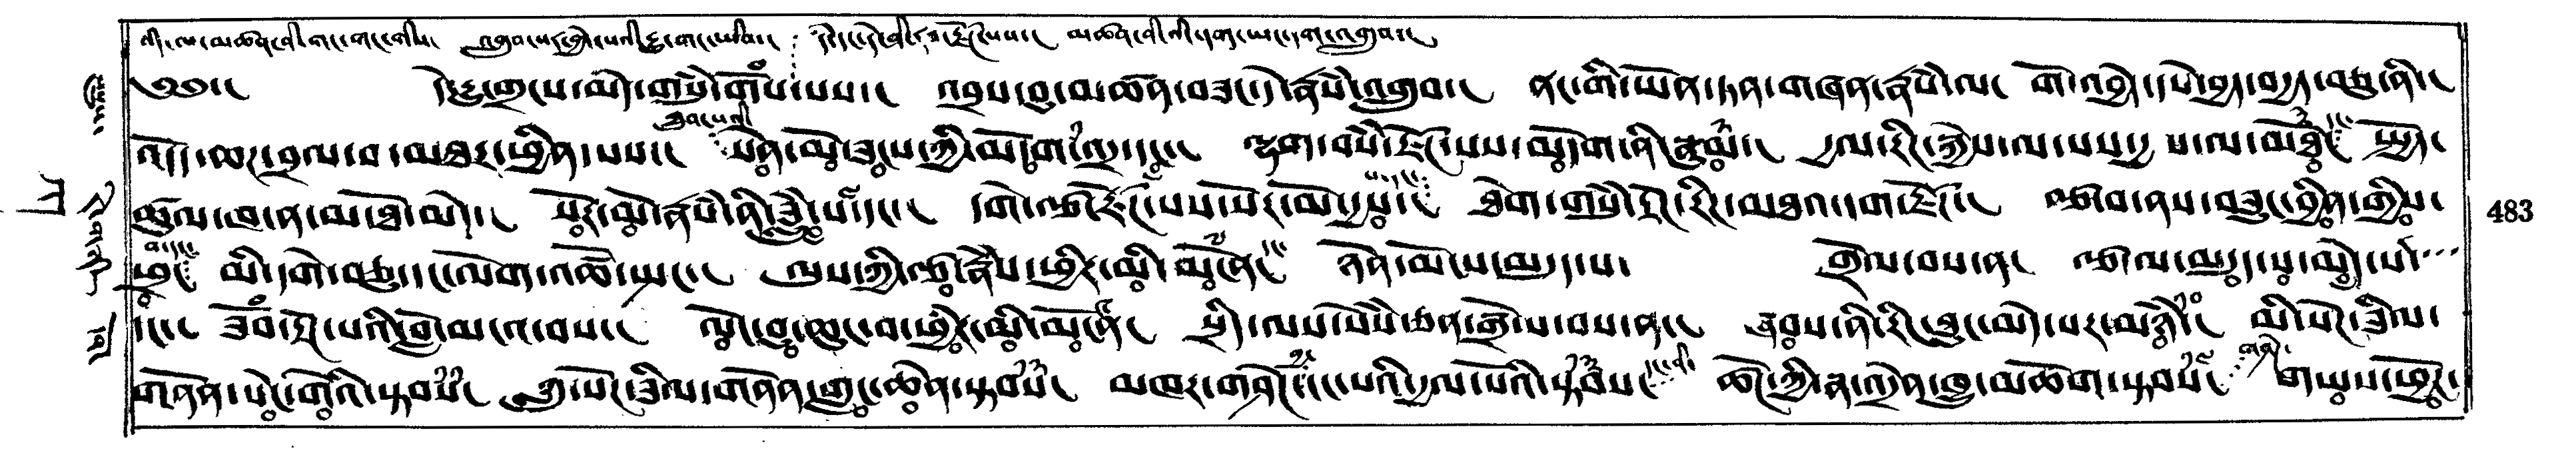དེ་རྒྱུ་གྲངས་མེད་གསུམ་གོམས་པས།། འདི་ལ་མཚན་ནི་གང་གང་གིས། །འགྲུབ་པར་བྱེད་པའི་རྒྱུ་གང་ཡིན། །དེ་དང་དེ་ནི་རབ་རྫོགས་པས། །མཚན་ནི་འདི་དག་ཡང་དག་འགྲུབ།།འབྲས་བུ་མཚན་བཟང་དེ་རྣམས་འགྲུབ། །ནང་གི་ཡོན་ཏན་གཞན་རྣམས་ལ། །གོ་འབྱེད་དཔེ་བྱད་བརྒྱད་བཅུ་ནི། །
འདོད་ཆགས་བྲལ་བ་མཐར་ཕྱིན་པས། ཐུབ་པའི་སེན་མོ་ཟངས་ཀྱི་མདོག་འདྲ་དང་། །ལྷག་བསམ་རྫོགས་པས་མདོག་ནི་སྣུམ། །རྒྱལ་རིགས་སྐྱེས་ལ་སངས་རྒྱས་མཐོང་། །སྤྱོད་
ཚུལ་ཁ་ན་མ་ཐོ་མེད། །སོར་མོ་རྣམས་ནི་ཟླུམ་པ་དང་། །དགེ་རྩ་རྫོགས་པས་སོར་མོ་རྒྱས།། པ་དང་། ཐེག་གསུམ་རྟོགས་རིགས་མཐའ་དག་རྫོགས། །རྩ་བ་ནས་བཟུང་བྱིན་གྱིས་
ཕྲདད བ་དང་། མི་དགེ་བཅུ་དང་ལོག་འཚོ་སྤངས། །ལུས་ཀྱི་རྩ་རྣམས་ཕྱིར་མི་མངོན། །ཉོན་མོངས་མདུད་པ་གྲོལ་བས་ན། །རྩ་ལ་མདུད་པ་མེད་པ་
དང་། །ཟབ་མོ་རྟོགས་པའི་བློ་མངའ་བས། །ལོང་བུ་ཆུང་བ་ཕྱིར་མི་མངོན། །སྲིད་ལས་སེམས་ཅན་སྒྲོལ་བས་ན། །ཞབས་ནི་རིང་ཐུང་མེད་པར་མཉམ། །མི་སོགས་ཟིལ་
གནོན་སེང་གེའི་སྟབས། །ཀླུ་སོགས་ཟིལ་གནོན་གླང་ཆེན་སྟབས། །མཁར་གཤེགས་བྱ་ངང་པའི་རྒྱལ་པོའི་སྟབས།། དང་ནི། ཚོགས་ཀྱི་སྣ་འདྲེན་ཁྱུ་མཆོག་སྟབས།། གཤེགས། གཡས་ཕྱོགས་